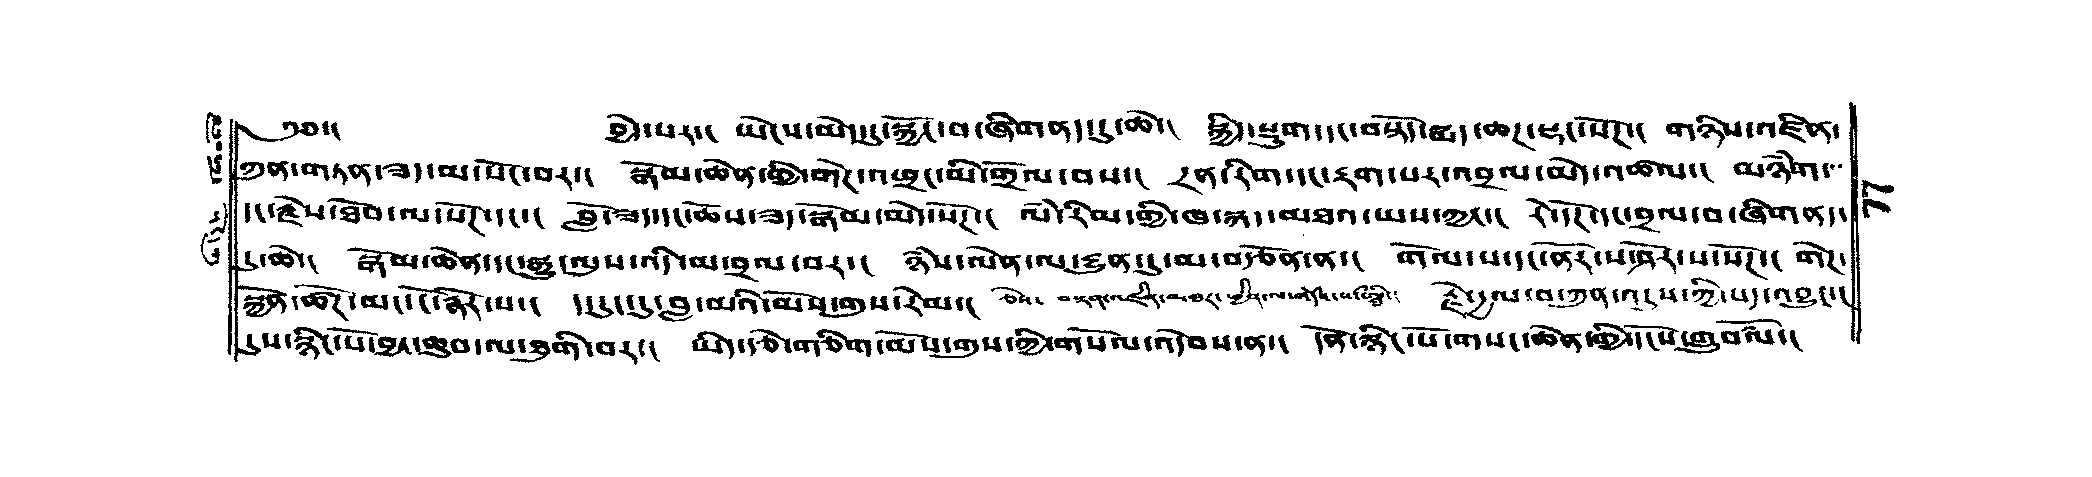བྱེད་པར། །ཡེངས་མེད་དུ་སྐྱོང་བ་ཞིག་གནད་དུ་ཆེ། །སྐྱིད་སྡུག་དང་བསྟོད་སྨད་ཆགས་སྡང་སོགས། །གཉིས་འཛིན་
ཀུན་གཏན་ཟད་མ་སོང་བར། །སྒོམ་ཆེན་གྱི་གེགས་འཕྲང་མི་གྲོལ་བས། །དྲན་རིག་དང་རྟག་པར་འབྲལ་མེད་འཚལ། །མཉམ་གཞག་
དང་རྗེས་ཐོབ་ལ་སོགས་དང་། །བློ་ཟད་དང་ཆོས་ཟད་སྒོམ་མེད་སོགས། །ལམ་རིམ་གྱི་ཁ་སྐད་མཐའ་ཡས་ཀྱང་། །རེ་དོགས་དང་བྲལ་བ་ཞིག་གནད་
དུ་ཆེ། །སྒོམ་ཆེན་དང་སྒྱུ་ལུས་འདི་མ་འབྲལ་བར། །ཉམས་ལེན་ལ་རྒྱུན་དུ་མ་བརྩོན་ན། །གོལ་ས་དང་ནོར་ས་ཤོར་ས་སོགས། །གེགས་
སྐྱོན་སོགས་མང་ངོ་རྣལ་འབྱོར་པ། །དུང་དུང་དུ་བླ་མའི་མོས་གུས་རེམ། །ཞེས་བསྟན་འཛིན་མཐར་ཕྱིན་ལ་གདམས་པ་། རྗེ་རྒྱལ་བ་ཀུན་འདུས་གྱི་པདྨ་འབྱུང་། །
དུས་སྙིང་པོ་བྱང་ཆུབ་ལ་ཐུག་གི་བར། །ཡིད་རྩེ་གཅིག་མོས་གུས་ཀྱི་གསོལ་འདེབས་ན། །དོན་སྙིང་པོ་གསང་ཆེན་གྱི་དངོས་གྲུབ་སྩོལ།